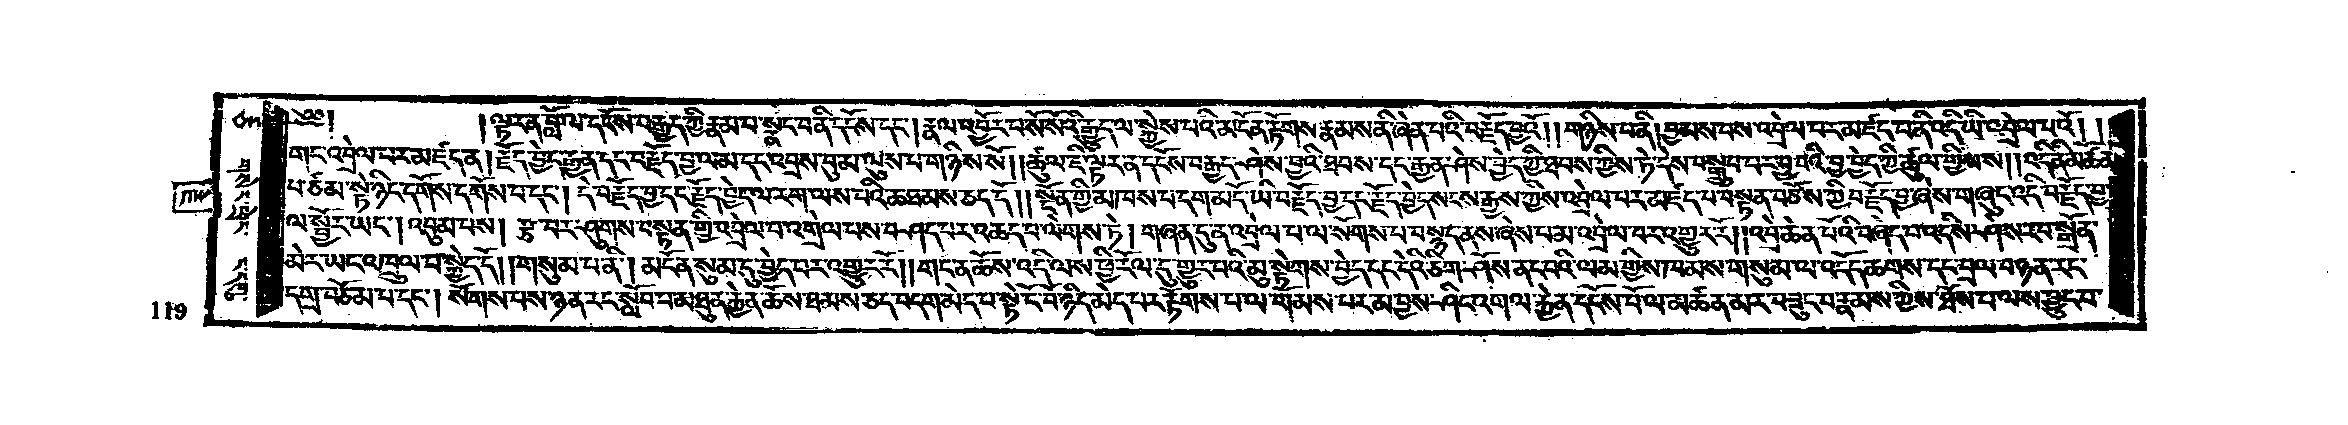༄༅། །ལྟར་ན་བློ་ལ་དངོས་བརྒྱད་ཀྱི་རྣམ་པ་སྣང་བ་ནི་དངོས་དང་། རྣལ་འབྱོར་པ་སོ་སོའི་རྒྱུད་ལ་སྐྱེས་པའི་མངོན་རྟོགས་རྣམས་ནི་ཞེན་པའི་བརྗོད་བྱའོ། །གཉིས་པ་ནི། བྱམས་པས་འབྲེལ་པར་མཛད་པ་ནི་འདི་ཡི་འབྲེལ་པའོ། །
གང་འབྲེལ་པར་མཛད་ན། རྗོད་བྱེད་རྒྱན་དང་བརྗོད་བྱ་ལམ་དང་འབྲས་བུ་མ་ལུས་པ་གཉིས་སོ། །ཚུལ་ཇི་ལྟར་ན་དངོས་བརྒྱད་ཤེས་བྱའི་ཐབས་དང་རྒྱན་ཤེས་བྱེད་ཀྱི་ཐབས་ཀྱིས་ཏེ་དེས་བསྒྲུབ་པར་བྱ་བའི་བྱ་བྱེད་ཀྱི་ཚུལ་གྱིས་སོ། །འདི་ནི་མཚོན་
པ་ཙམ་སྟེ་ཉིད་དགོས་དགོས་པ་དང་། དེ་བརྗོད་བྱ་དང་རྗོད་བྱེད་ལ་རག་ལས་པའི་ཆ་ཐམས་ཅད་དོ། །སྔོན་གྱི་མཁས་པ་དག་མདོ་ཡི་བརྗོད་བྱ་དང་རྗོད་བྱེད་སངས་རྒྱས་ཀྱིས་འབྲེལ་པར་མཛད་པ་བསྟན་བཅོས་ཀྱི་བརྗོད་བྱ་ཞེས་གཞུང་འདི་བརྗོད་བྱ་
ལ་སྦྱོར་ཡང་། འབུམ་པས། རྩ་བར་ཤུགས་བསྟན་གྱི་འབྲེལ་པ་འགྲེལ་པས་བཤད་པར་འཆད་པ་ལེགས་ཏེ། གཞན་དུ་ན་འབྲེལ་པ་ལ་སོགས་པ་བསྙད་ནས་ཞེས་པ་མ་འབྲེལ་པར་འགྱུར་རོ། །འབྲེ་ཆེན་པོའི་བཞེད་པ་འདིས་ཤེས་རབ་སྒྲོན་
མེར་ཡང་འཁྲུལ་པ་སྐྱེད་དོ། །གསུམ་པ་ནི། མངོན་སུམ་དུ་བྱེད་པར་འགྱུར་རོ། །གང་ན་ཆོས་འདི་ལས་ཕྱི་རོལ་དུ་གྱུར་པའི་མུ་སྟེགས་བྱེད་དང་དེའི་ཅིག་ཤོས་ནང་པའི་ལམ་གྱིས་ཁམས་གསུམ་ལ་འདོད་ཆགས་དང་བྲལ་བ་ཉན་རང་
དགྲ་བཅོམ་པ་དང་། སོགས་པས་ཉན་རང་སློབ་པ་མཐུན་རྐྱེན་ཆོས་ཐམས་ཅད་བདག་མེད་པ་སྟེ་ངོ་བོ་ཉིད་མེད་པར་རྟོགས་པ་ལ་གོམས་པར་མ་བྱས་ཤིང་འགལ་རྐྱེན་དངོས་པོ་ལ་མཚན་མར་བཟུང་བ་རྣམས་ཀྱིས་ཐོས་པ་ལས་བྱུང་བ་